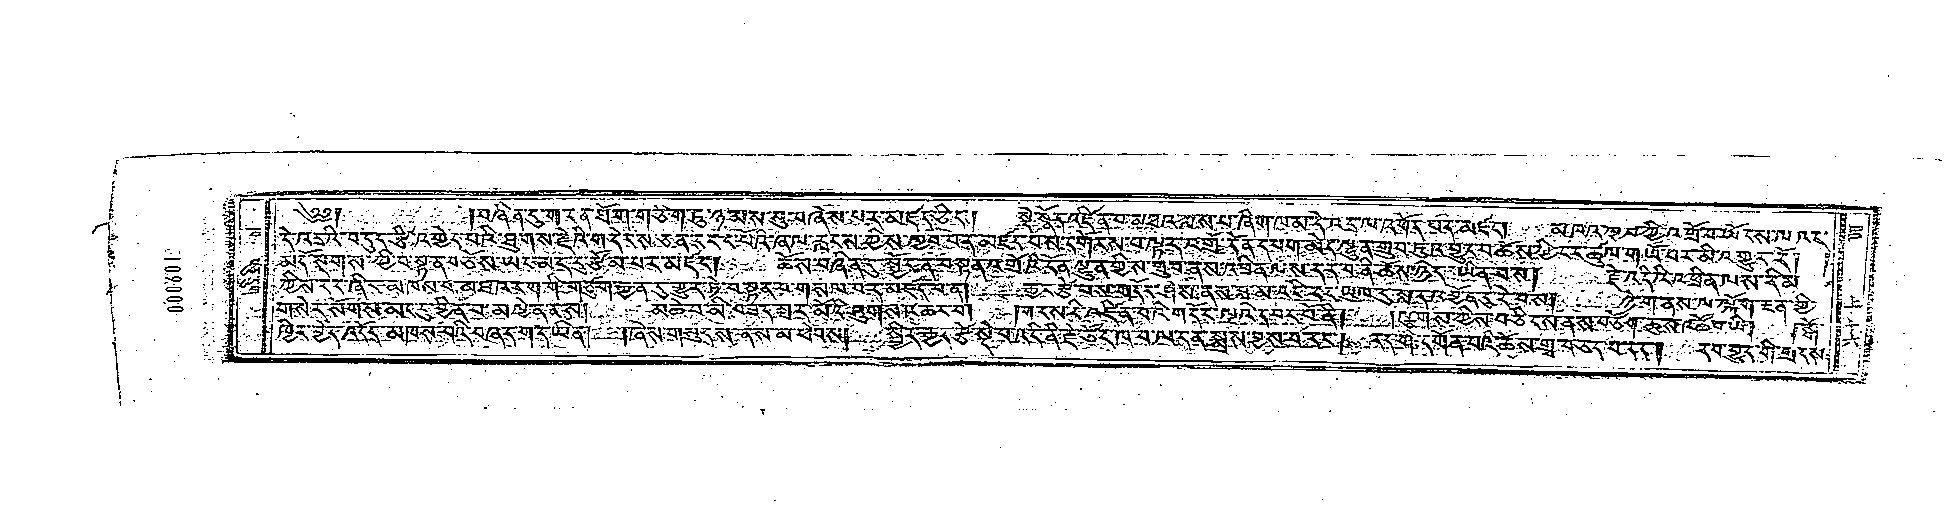༄༅། །བཞིན་དུ་གདན་ཐོག་གཅིག་ཏུ་ཉམས་སུ་བཞེས་པར་མཛད་ཅིང་། སྡེ་སྣོད་འཛིན་པ་མཐའ་ཀླས་པ་ཞིག་ལམ་དེ་འདྲ་ལ་འགོད་པར་མཛད། མཁའ་ཁྱབ་ཀྱི་འགྲལ་བ་ཡངས་ལའང་
དེ་འདྲའི་བདུད་རྩི་འགྱེད་པའི་ཐུགས་རྗེའི་གདེངས་ཅན་དང་ང་པོའི་ཞལ་རླངས་ཀྱིས་ཁྱབ་པར་མཛད་པས་དགོངས་པ་ལྟར་འགྲོ་དོན་དཔག་མེད་ལྷུན་གྲུབ་ཏུ་འབྱུང་བ་ཆོས་ཀྱི་ངང་ཚུལ་གཡོ་བར་མི་འགྱུར་རོ། །
མདོ་སྔགས་ཀྱི་བསྟན་བཅོས་ཡང་མང་དུ་རྩོམ་པར་མཛད། ཆོས་བཞིན་དུ་སྤྱོར་ན་བསྟན་འགྲོའི་དོན་ལྷུན་གྱིས་གྲུབ་ནས་འཕྲིན་ལས་དར་བ་ནི་ཆོས་ཉིད་ཡིན་པས། རྗེ་འདིའི་འཕྲིན་ལས་རིམ་
ཀྱིས་རང་ཞིང་མཁས་པ་མཐའ་དག་གི་གཙུག་རྒྱན་དུ་གྱུར་ཏེ་བསྟན་པ་གསལ་བར་མཛད་བ་ན། རྒྱང་རྩེ་བས་གདོང་ཤེས་ནས་བླ་མ་འདི་རང་ཡུལ་དུ་སླར་འབྱོན་དུ་རེ་བས། ཉེ་གནས་ལ་ལྐོག་རྔན་གྱི་
གསེར་སོགས་མང་དུ་བྱིན་པ་མཁྱེན་ནས། མཆེ་བ་མི་བཟང་སྤར་མོའི་ཤུགས་འཆང་བ། །གངས་རི་འཛིན་པའི་གདོང་ལྔའི་དབང་པོ་ནི། །ལྕགས་ཀྱིས་བཅིངས་ནས་བཙོག་ཆུས་འཚོ་བ་ཡི། །སྒོ་
ཁྱིར་བྱེད་འདོད་མཁས་བའི་བཞད་གང་ཡིན། །ཞེས་གསུངས་ནས་མ་ཕེབས། སྤྱིར་རྒྱང་རྩེ་སྡེ་བ་འདི་ནི་རྗེ་ཙོང་ཁ་བ་ལ་ངན་སྨྲས་བྱས་བ་དང་། རང་གི་དགོན་བའི་ཆོས་གྲྭ་བཅད་པ་དང་། རབ་བྱུང་གི་གྲངས་